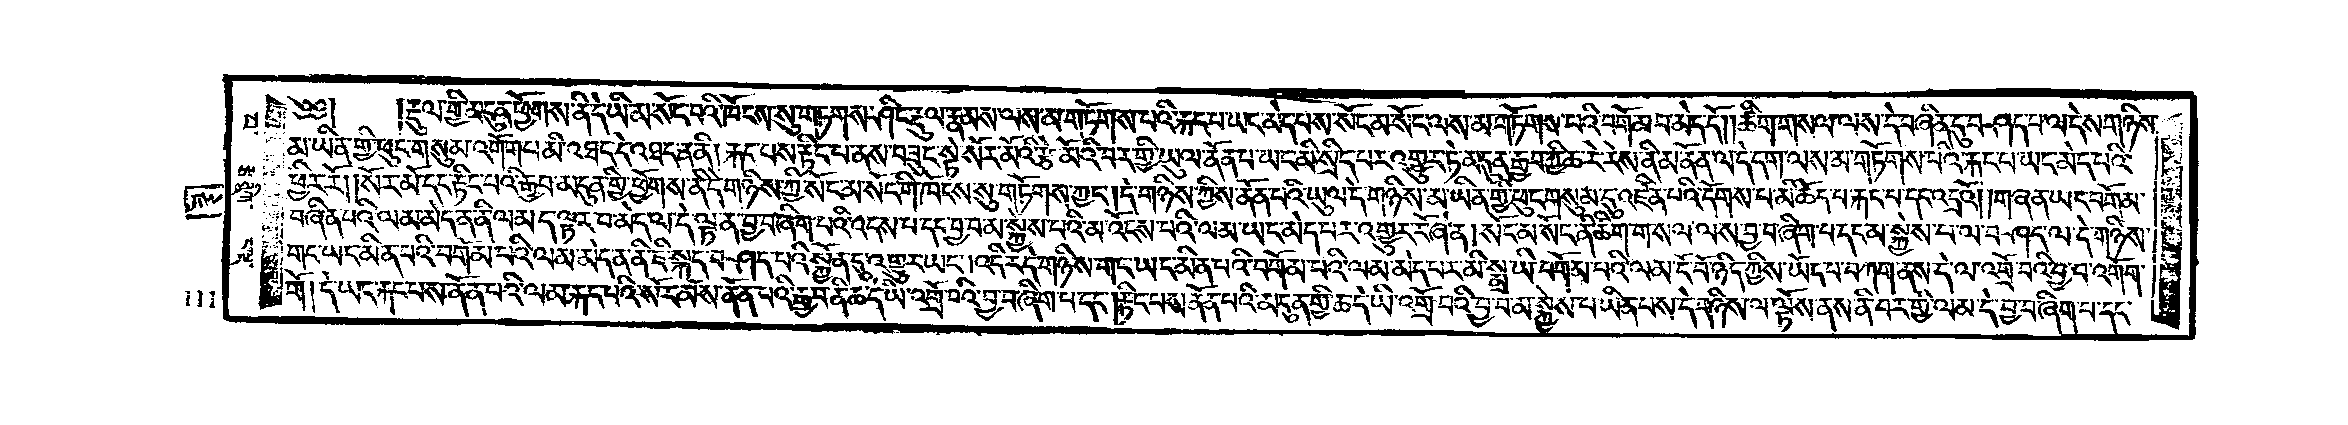༄༅། །རྡུལ་གྱི་མདུན་ཕྱོགས་ནི་དེ་ཡི་མ་སོང་བའི་ཁོངས་སུ་གཏགས་ཤིང་རྡུལ་རྣམས་ལས་མ་གཏོགས་པའི་རྐང་པ་ཡང་མེད་པས་སོང་མ་སོང་ལས་མ་གཏོགས་པའི་བགོམ་པ་མེད་དོ། །ཚིག་གསལ་ལས་དེ་བཞིན་དུ་བཤད་པ་ལ་དེས་གཉིས་
མ་ཡིན་གྱི་ཕུང་གསུམ་འགོག་པ་མི་འཐད་ན་ནི། རྐང་པས་རྟིང་པ་ནས་བཟུང་སྟེ་སོར་མོའི་རྩེ་མོའི་བར་གྱི་ཡུལ་ནོན་པ་ཡང་མི་སྲིད་པར་འགྱུར་ཏེ་མདུན་རྒྱབ་ཀྱི་ཆ་རེ་རེས་ནི་མ་ནོན་ལ་དེ་དག་ལས་མ་གཏོགས་པའི་རྐང་པ་ཡང་མེད་པའི་
ཕྱིར་རོ། །སོར་མོ་དང་རྟིང་པའི་རྒྱབ་མདུན་གྱི་ཕྱོགས་ན་དེ་གཉིས་ཀྱི་སོང་མ་སོང་གི་ཁོངས་སུ་གཏོགས་ཀྱང་། དེ་གཉིས་ཀྱིས་ནོན་པའི་ཡུལ་དེ་གཉིས་མ་ཡིན་གྱི་ཕུང་གསུམ་དུ་འཛིན་པའི་དོགས་པ་མི་ཆོད་པ་རྐང་པ་དང་འདྲའོ། །གཞན་ཡང་བགོམ་
བཞིན་པའི་ལམ་མེད་ན་ནི་ལམ་དེ་ལྟར་བ་མེད་ལ་དེ་ལྟ་ན་བྱ་བ་ཞིག་པའི་འདས་པ་དང་བྱ་བ་མ་སྐྱེས་པའི་མ་འོངས་པའི་ལམ་ཡང་མེད་པར་འགྱུར་རོ་ཞེ་ན། སོང་མ་སོང་ནི་ཚིག་གསལ་ལས་བྱ་བ་ཞིག་པ་དང་མ་སྐྱེས་པ་ལ་བཤད་ལ་དེ་གཉིས་
གང་ཡང་མིན་པའི་བགོམ་པའི་ལམ་མེད་ན་ནི་ཇི་སྐད་བཤད་པའི་སྐྱོན་དུ་འགྱུར་ཡང་། འདིར་དེ་གཉིས་གང་ཡང་མིན་པའི་བགོམ་པའི་ལམ་མེད་པར་མི་སྨྲ་ཡི་བགོམ་པའི་ལམ་ངོ་བོ་ཉིད་ཀྱིས་ཡོད་པ་བཀག་ནས་དེ་ལ་འགྲོ་བའི་བྱ་བ་འགོག་
གོ། དེ་ཡང་རྐང་པས་ནོན་པའི་ལམ་རྐང་པའི་སོར་མོས་ནོན་པའི་རྒྱབ་ནི་ཆད་ཡི་འགྲོ་བའི་བྱ་བ་ཞིག་པ་དང་། རྟིང་པས་ནོན་པའི་མདུན་གྱི་ཆ་དེ་ཡི་འགྲོ་བའི་བྱ་བ་མ་སྐྱེས་པ་ཡིན་པས་དེ་གཉིས་ལ་ལྟོས་ནས་ནི་བར་གྱི་ལམ་དེ་བྱ་བ་ཞིག་པ་དང་